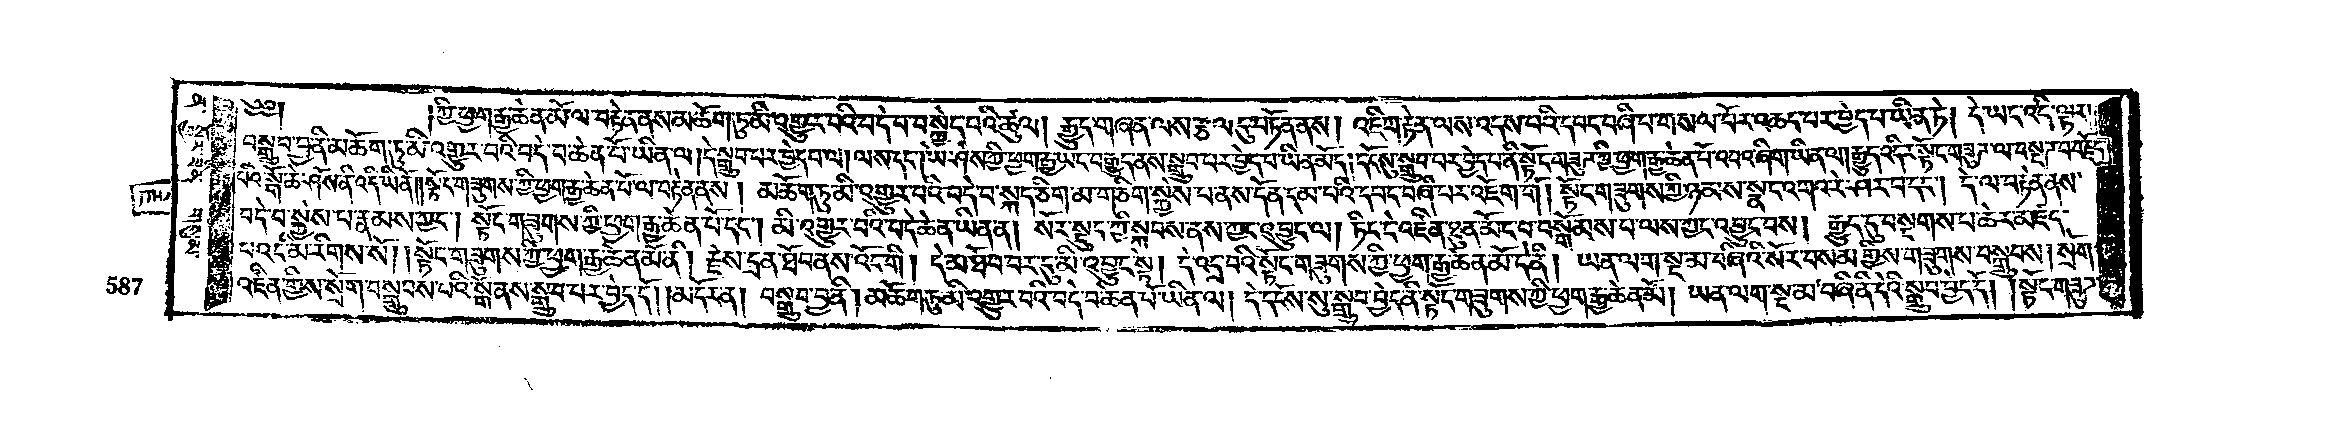༄༅། །ཀྱི་ཕྱག་རྒྱ་ཆེན་མོ་ལ་བརྟེན་ནས་མཆོག་ཏུ་མི་འགྱུར་བའི་བདེ་བ་བསྐྱེད་པའི་ཚུལ། རྒྱུད་གཞན་ལས་རྩལ་དུ་བཏོན་ནས། འཇིག་རྟེན་ལས་འདས་པའི་དབང་བཞི་པ་གསལ་པོར་འཆད་པར་བྱེད་པ་ཡིན་ཏེ། དེ་ཡང་འདི་ལྟར།
བསྒྲུབ་བྱ་ནི་མཆོག་ཏུ་མི་འགྱུར་བའི་བདེ་བ་ཆེན་པོ་ཡིན་ལ། དེ་སྒྲུབ་པར་བྱེད་པ་ལ། ལས་དང་། ཡེ་ཤེས་ཀྱི་ཕྱག་རྒྱ་ཡང་བརྒྱུད་ནས་སྒྲུབ་པར་བྱེད་པ་ཡིན་མོད། དངོས་སུ་སྒྲུབ་པར་བྱེད་པ་ནི་སྟོང་གཟུགས་ཀྱི་ཕྱག་རྒྱ་ཆེན་པོ་འབའ་ཞིག་ཡིན་ལ། རྒྱུད་འདིར་སྟོང་གཟུགས་ལ་བསྔགས་པ་བརྗོད་
པའི་སྒོ་ཆེ་ཤོས་ནི་འདི་ཡིན་ནོ། །སྟོང་གཟུགས་ཀྱི་ཕྱག་རྒྱ་ཆེན་པོ་ལ་བརྟེན་ནས། མཆོག་ཏུ་མི་འགྱུར་བའི་བདེ་བ་སྐད་ཅིག་མ་གཅིག་སྐྱེས་པ་ནས་དོན་དམ་པའི་དབང་བཞི་པར་འཇོག་གོ །སྟོང་གཟུགས་ཀྱི་ཉམས་སྣང་འགའ་རེ་ཤར་བ་དང་། དེ་ལ་བརྟེན་ནས་
བདེ་བ་སྐྱེས་པ་རྣམས་ཀྱང་། སྟོང་གཟུགས་ཀྱི་ཕྱག་རྒྱ་ཆེན་པོ་དང་། མི་འགྱུར་བའི་བདེ་ཆེན་ཡིན་ན། སོར་སྡུད་ཀྱི་སྐབས་ནས་ཀྱང་འབྱུང་ལ། ཏིང་ངེ་འཛིན་ཐུན་མོང་བ་བསྒོམས་པ་ལས་ཀྱང་འབྱུང་བས། རྒྱུད་དུ་བསྔགས་པ་ཆེར་མཛད་
པའང་མི་རིགས་སོ། །སྟོང་གཟུགས་ཀྱི་ཕྱག་རྒྱ་ཆེན་མོ་ནི། རྗེས་དྲན་ཐོབ་ནས་འོང་གི །དེ་མ་ཐོབ་པར་དུ་མི་འབྱུང་སྟེ། དེ་འདྲ་བའི་སྟོང་གཟུགས་ཀྱི་ཕྱག་རྒྱ་ཆེན་མོ་དེ་ནི། ཡན་ལག་སྔ་མ་བཞིའི་སོར་བསམ་གྱིས་གཟུགས་བསྒྲུབས། སྲོག་
འཛིན་གྱིས་སྲོག་བསྒྲུབས་པའི་སྒོ་ནས་སྒྲུབ་པར་བྱེད་དོ། །མདོར་ན། བསྒྲུབ་བྱ་ནི། མཆོག་ཏུ་མི་འགྱུར་བའི་བདེ་བ་ཆེན་པོ་ཡིན་ལ། དེ་དངོས་སུ་སྒྲུབ་བྱེད་ནི་སྟོང་གཟུགས་ཀྱི་ཕྱག་རྒྱ་ཆེན་མོ། ཡན་ལག་སྔ་མ་བཞི་ནི་དེའི་སྒྲུབ་བྱེད་དོ། །སྟོང་གཟུགས་